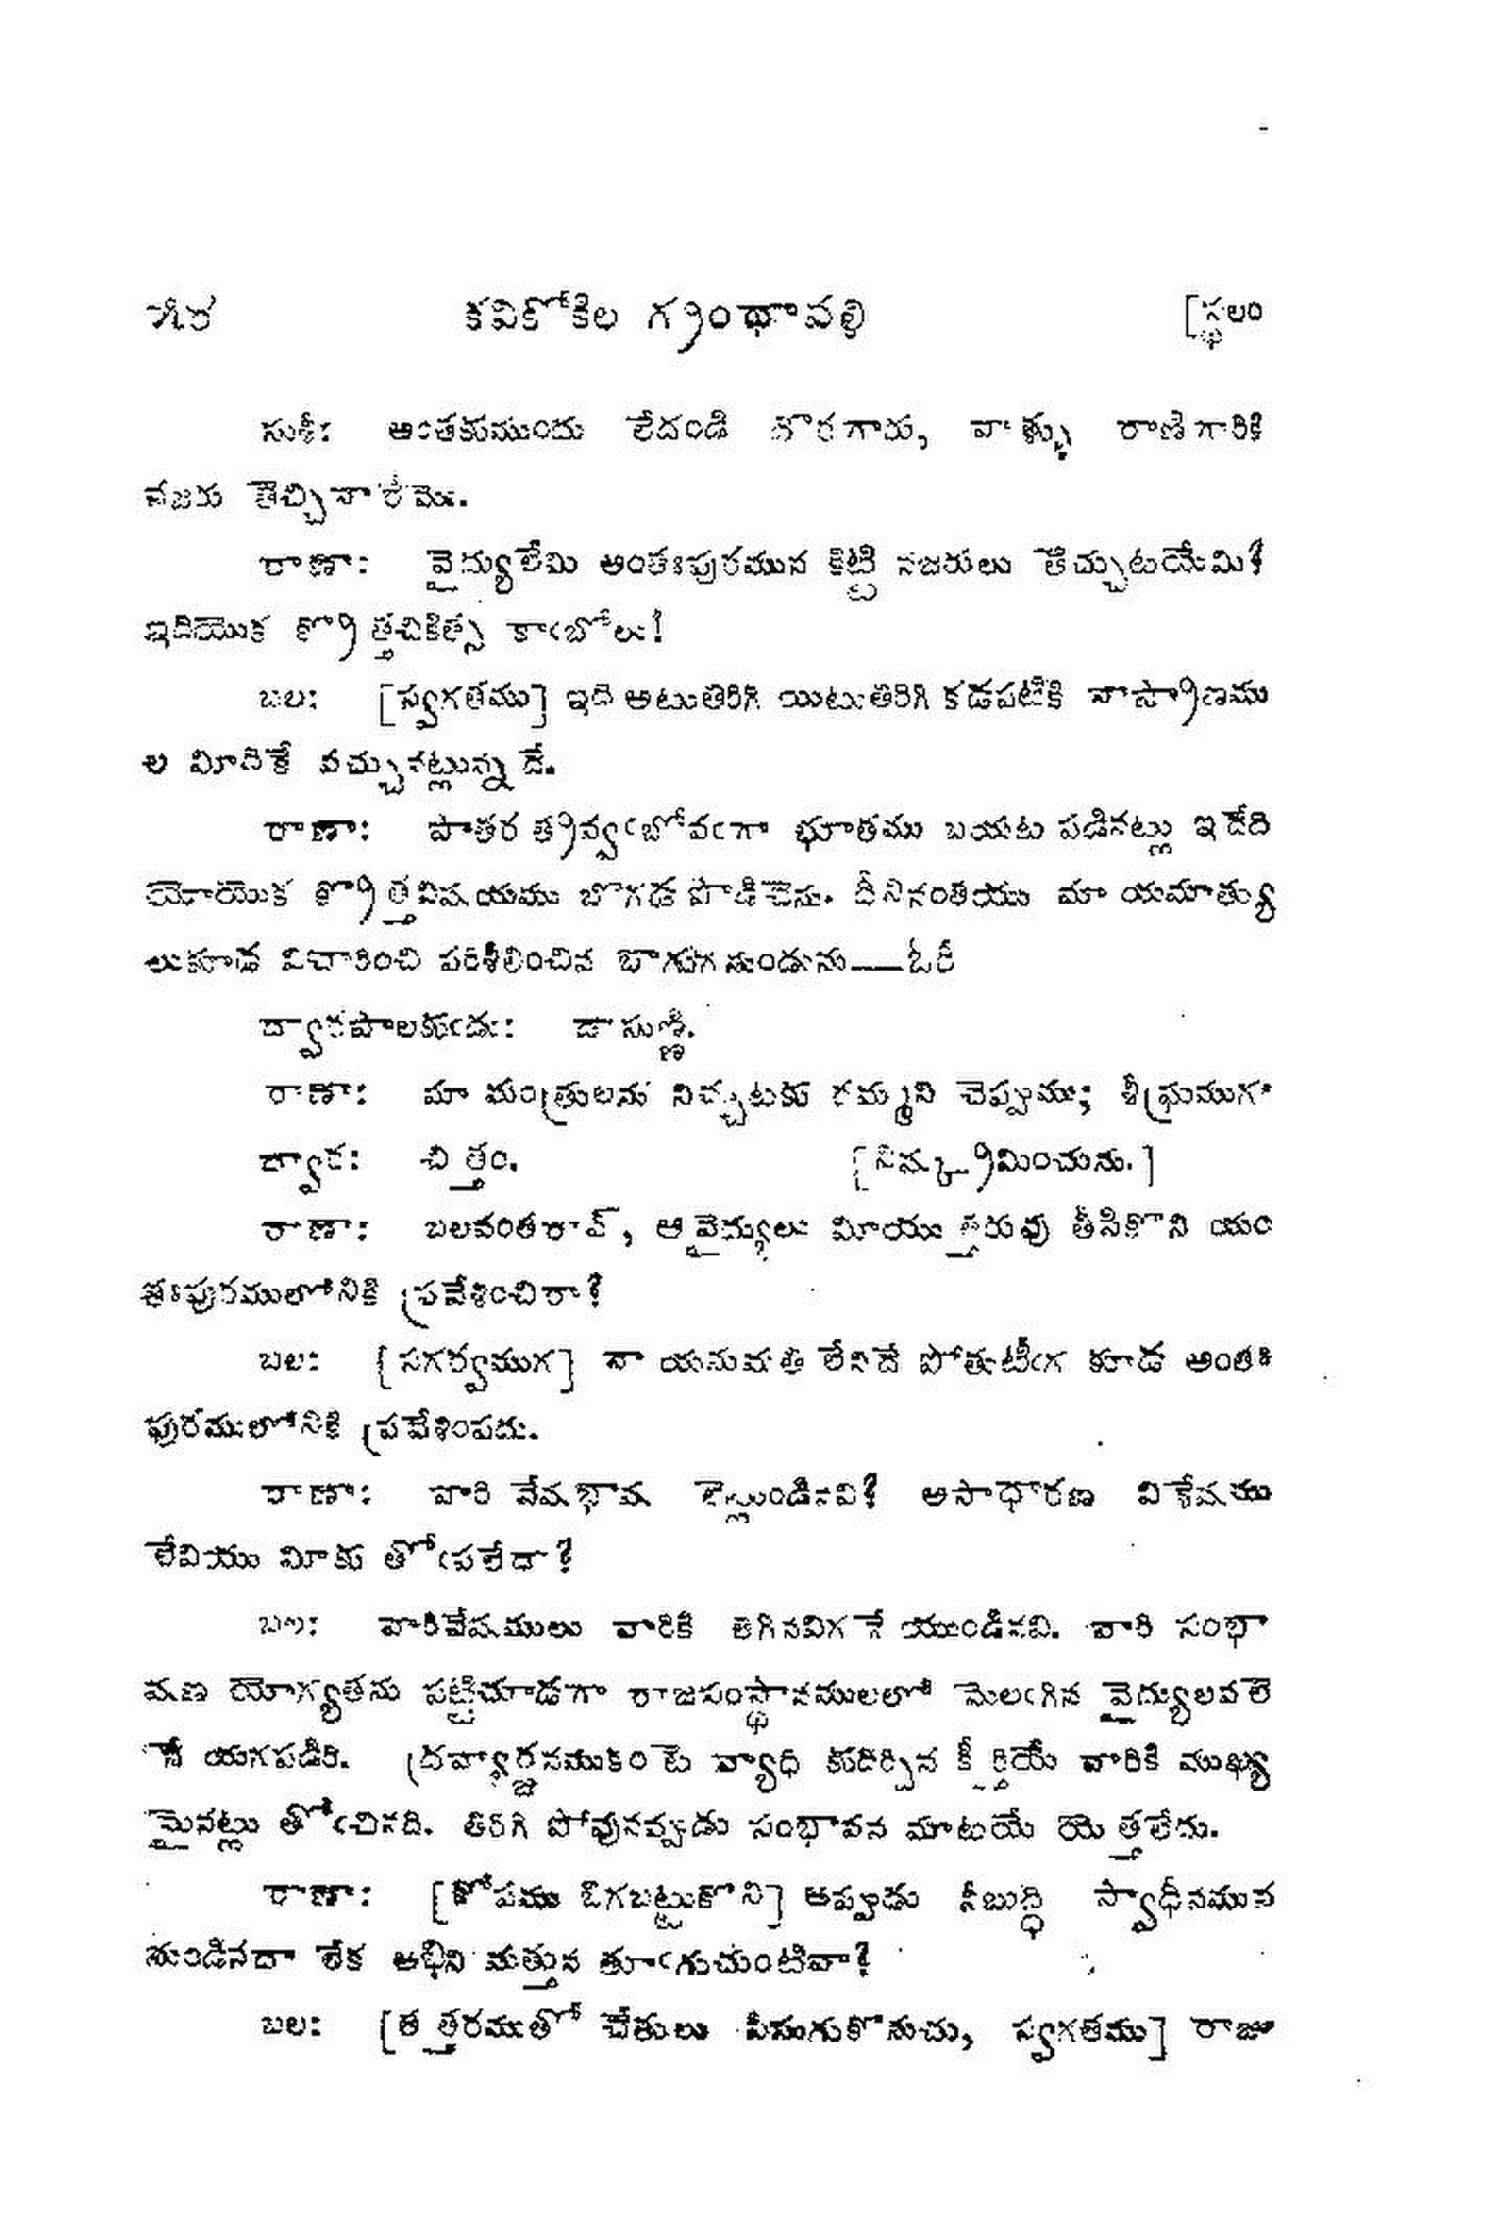సుశీ : అంతకుముందు లేదండి దొరగారు, వాళ్ళు రాణిగారికి నజరు తెచ్చినారేమొ.

రాణా : వైద్యులేమి అంత:పురమున కిట్టి నజరులు తెచ్చుటయేమి? ఇదియొక క్రొత్తచికిత్స కాఁబోలు !

బల : [స్వగతము] ఇది అటుతిరిగి యిటుతిరిగి కడపటికి నాప్రాణముల మీదికే వచ్చునట్లున్నదే.

రాణా : పాతర త్రవ్వఁబోవఁగా భూతము బయట పడినట్లు ఇదేదియోయొక క్రొత్తవిషయము బొగడపొడిచెను. దీనినంతయు మా యమాత్యులుకూడ విచారించి పరిశీలించిన బాగుగనుండును - ఓరీ

ద్వారపాలకుఁడు : దాసుణ్ణి.

రాణా : మా మంత్రులను నిచ్చటకు రమ్మని చెప్పుము; శీఘ్రముగ'

ద్వార : చిత్తం [నిష్క్రమించును.]

రాణా : బలవంతరావ్, ఆవైద్యులు మీయుత్తరువు తీసికొని యంత:పురములోనికి ప్రవేశించిరా?

బల : [సగర్వముగ] నా యనుమతి లేనిదే పోతుటీఁగ కూడ అంత:పురములోనికి ప్రవేశింపదు.

రాణా : వారి వేషభాష లెట్లుండినవి ? అసాధారణ విశేషము లేవియు మీకు తోఁపలేదా ?

బల : వారివేషములు వారికి తగినవిగనే యుండినవి. వారి సంభాషణ యోగ్యతను పట్టిచూడగా రాజసంస్థానములలో మెలఁగిన వైద్యులవలెనే యగపడిరి. ద్రవ్యార్జనముకంటె వ్యాధి కుదిర్చిన కీర్తియే వారికి ముఖ్యమైనట్లు తోఁచినది. తిరిగి పోవునప్పుడు సంభావన మాటయే యెత్తలేదు.

రాణా : [కోపము బిగపట్టుకొని] అప్పుడు నీబుద్ధి స్వాధీనమున నుండినదా లేక అభిని మత్తున తూఁగుచుంటివా ?

బల : [తత్తరముతో చేతులు పిసుగుకొనుచు, స్వగతము] రాజు